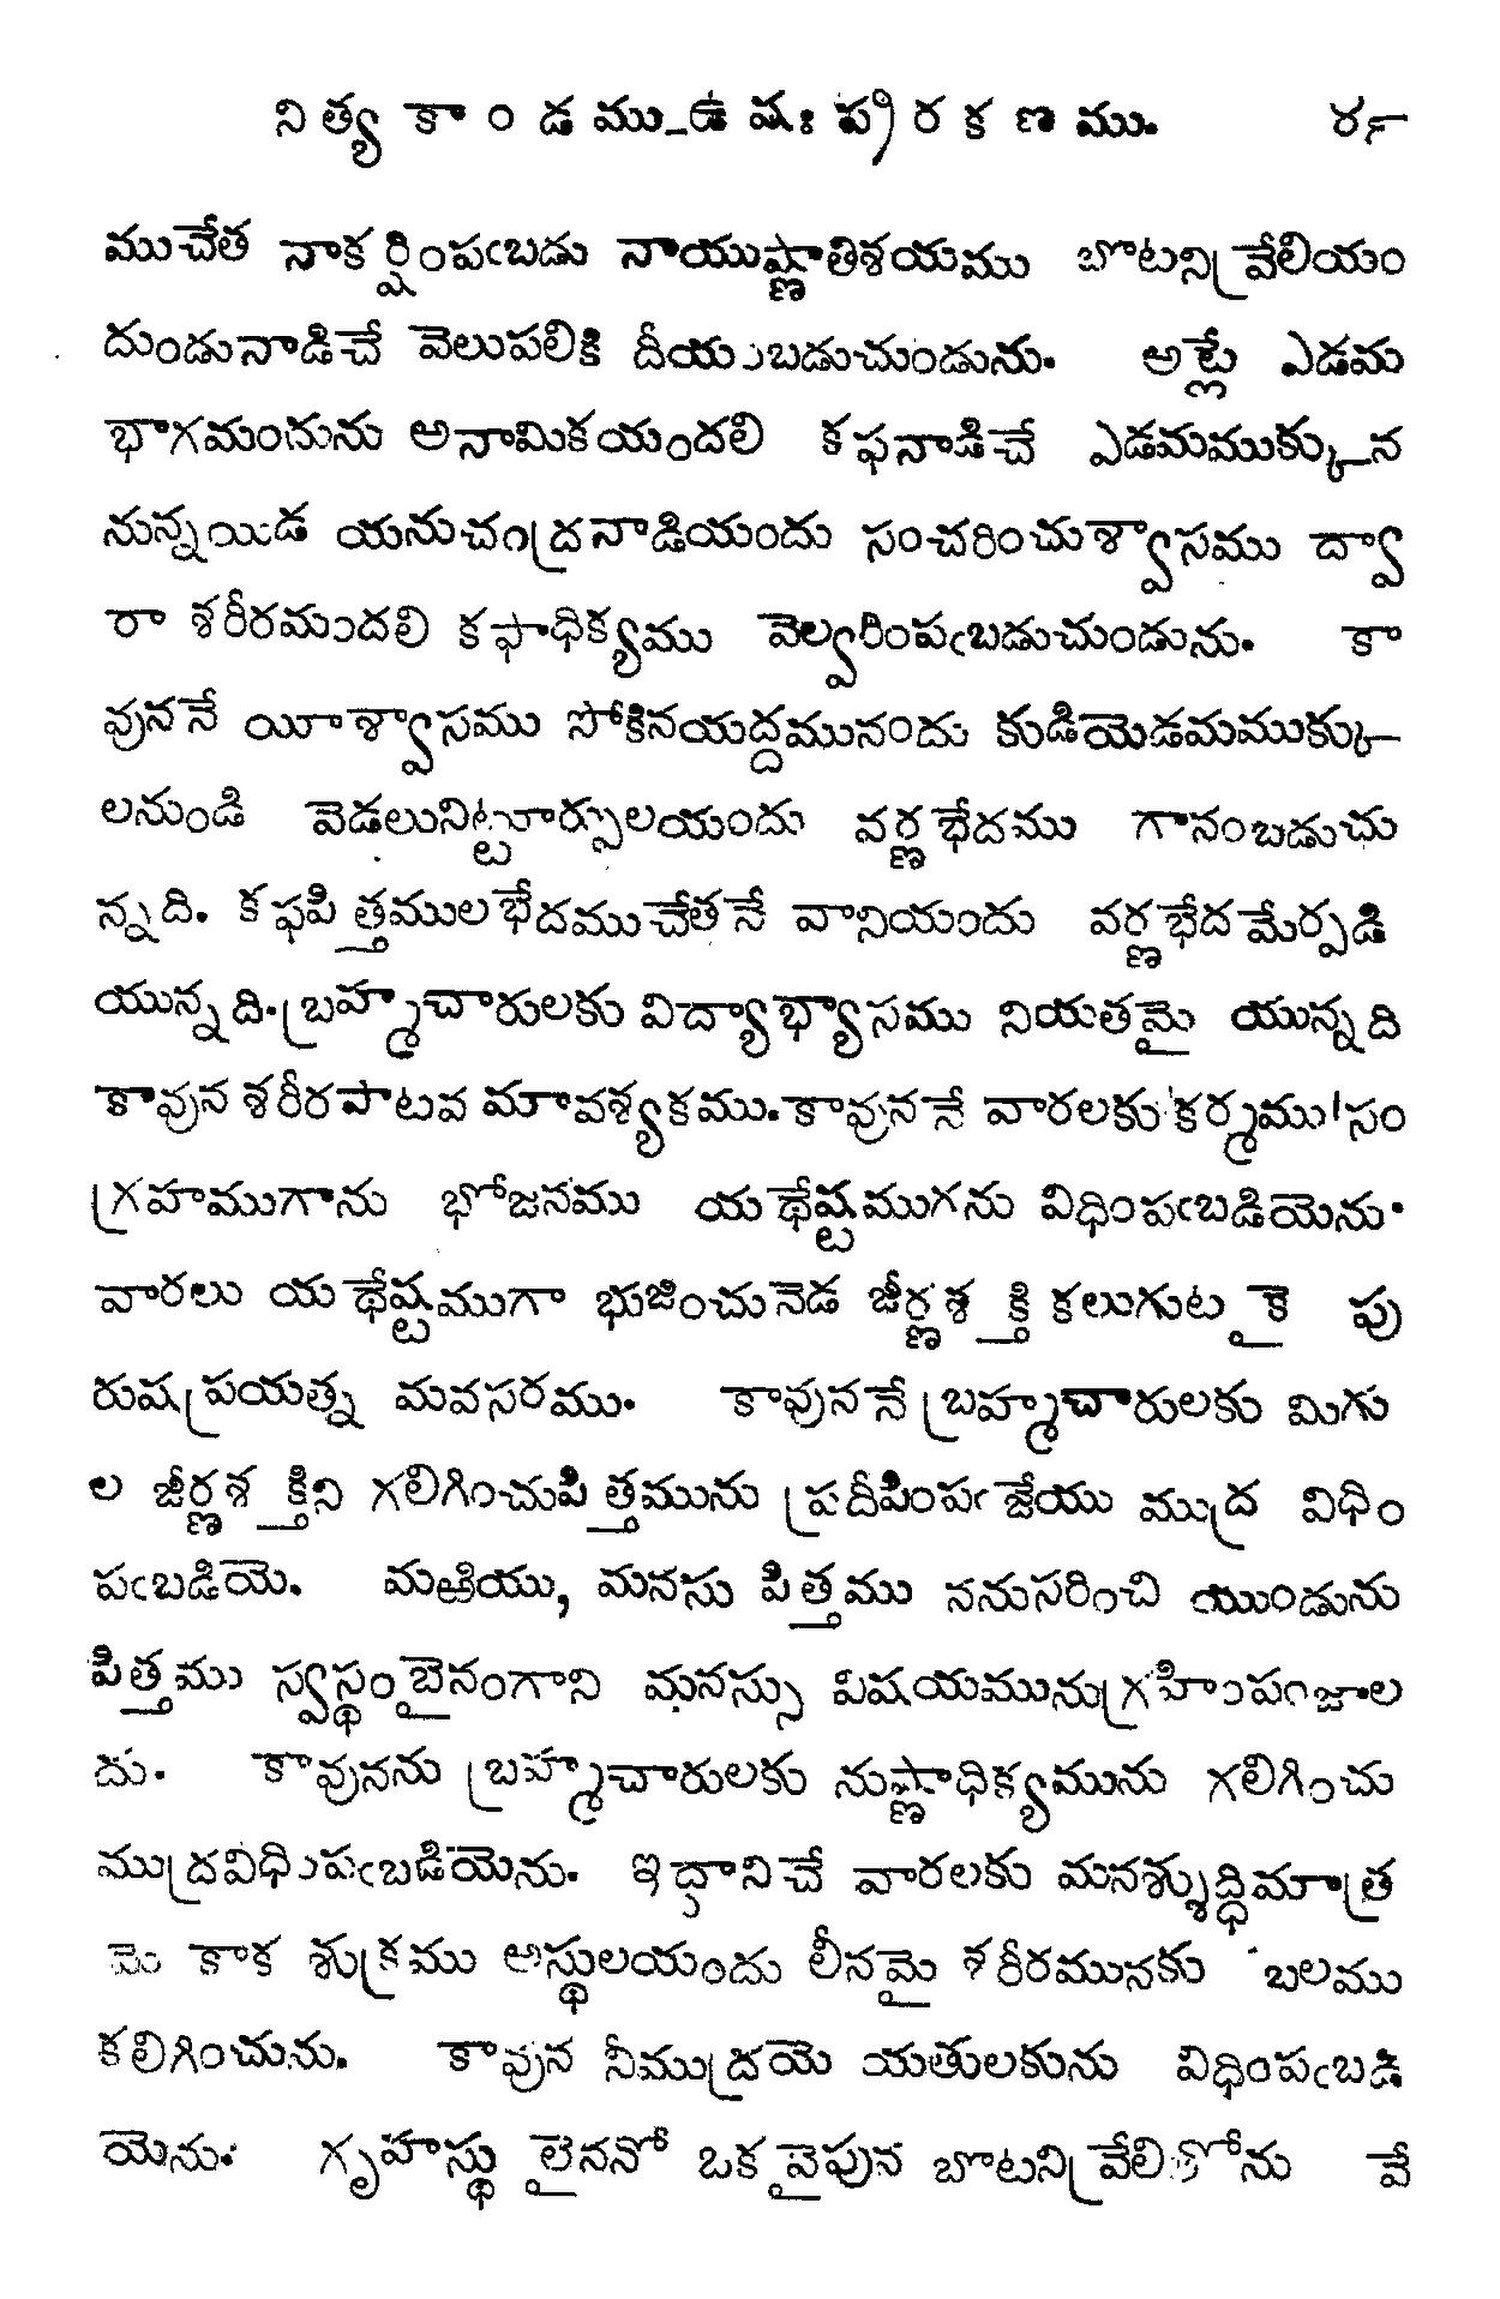ముచేత నాకర్షింపఁబడు నాయుష్ణాతిశయము బొటనివ్రేలియందుండునాడిచే వెలుపలికి దీయంబడుచుండును. అట్లే ఎడమభాగమందును అనామికయందలి కఫనాడిచే ఎడమముక్కుననున్నయిడ యనుచంద్రనాడియందు సంచరించుశ్వాసము ద్వారా శరీరమందలి కఫాధిక్యము వెల్వరింపఁబడుచుండును.
కావుననే యీశ్వాసము సోకినయద్దమునందు కుడియెడమముక్కులనుండి వెడలునిట్టూర్పులయందు వర్ణభేదము గానంబడుచున్నది. కఫపిత్తములభేదముచేతనే వానియందు వర్ణభేదమేర్పడి యున్నది. బ్రహ్మచారులకు విద్యాభ్యాసము నియతమై యున్నది కావున శరీరపాటవ మావశ్యకము. కావుననే వారలకు కర్మము సంగ్రహముగాను భోజనము యథేష్టముగను విధింపఁబడియెను. వారలు యథేష్టముగా భుజించునెడ జీర్ణశక్తి కలుగుటకై పురుషప్రయత్న మవసరము. కావుననే బ్రహ్మచారులకు మిగుల జీర్ణశక్తిని గలిగించుపిత్తమును ప్రదీపింపఁజేయు ముద్ర విధింపఁబడియె. మఱియు, మనసు పిత్తము ననుసరించి యుండును పిత్తము స్వస్థంబైనంగాని మనస్సు విషయమును గ్రహింపజాలదు. కావునను బ్రహ్మచారులకు నుష్ణాధిక్యమును గలిగించు ముద్రవిధింపఁబడియెను. ఇద్దానిచే వారలకు మనశ్శుద్ధిమాత్రమె కాక శుక్రము అస్థులయందు లీనమై శరీరమునకు బలము కలిగించును. కావున నీముద్రయె యతులకును విధింపఁబడియెను. గృహస్థు లైననో ఒకవైపున బొటనివ్రేలితోను వే